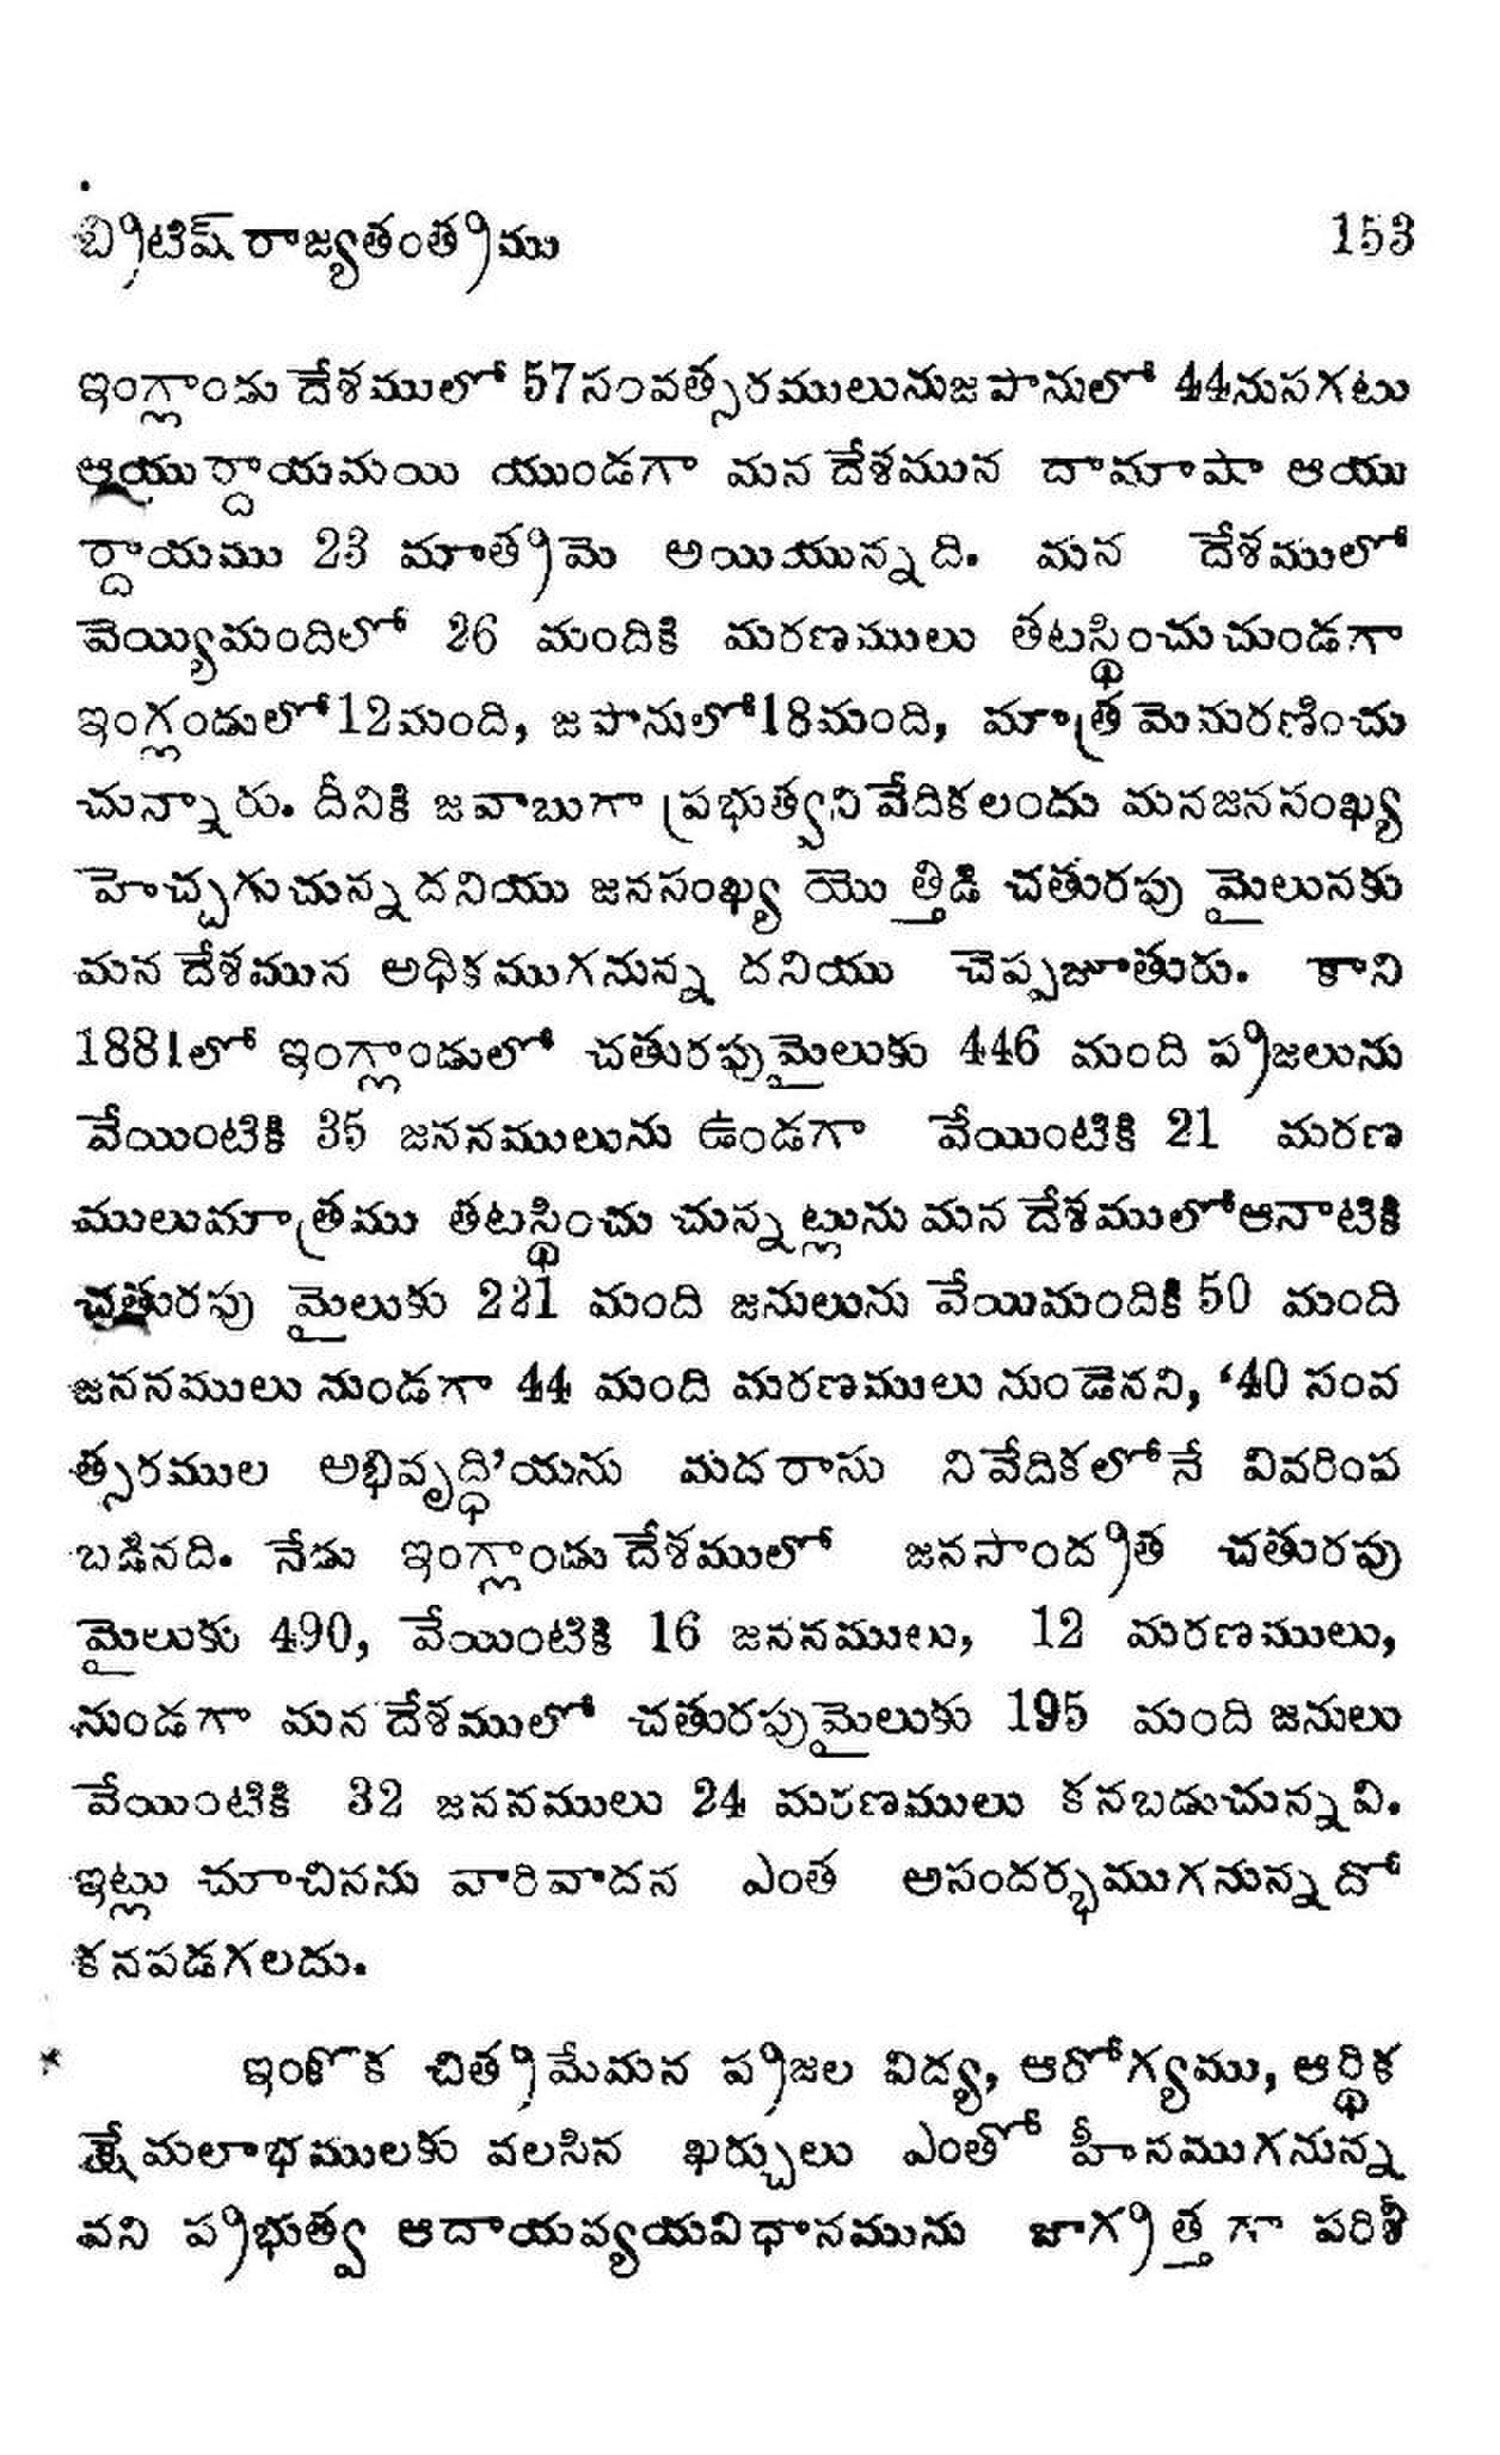ఇంగ్లాండుదేశములో 57 సంవత్సరములును జపానులో 44నుసగటు ఆయుర్దాయమయి యుండగా మనదేశమున దామాషా ఆయుర్దాయము 23 మాత్రమె అయియున్నది. మన దేశములో వెయ్యిమందిలో 26 మందికి మరణములు తటస్థించుచుండగా ఇంగ్లండులో 12మంది, జపానులో 18మంది, మాత్రమెమరణించుచున్నారు. దీనికి జవాబుగా ప్రభుత్వనివేదికలందు మనజనసంఖ్య హెచ్చగుచున్నదనియు జనసంఖ్య యొత్తిడి చతురపు మైలునకు మన దేశమున అధికముగనున్న దనియు చెప్పజూతురు. కాని 1881లో ఇంగ్లాండులో చతురపు మైలుకు 446 మంది ప్రజలును వేయింటికి 35 జననములును ఉండగా వేయింటికి 21 మరణములుమాత్రము తటస్థించు చున్నట్లును మనదేశములో ఆనాటికి చతురపు మైలుకు 221 మంది జనులును వేయిమందికి 50 మంది జననములు నుండగా 44 మంది మరణములు నుండెనని, “40 సంవత్సరముల అభివృద్ధి'యను మదరాసు నివేదికలోనే వివరింపబడినది. నేడు ఇంగ్లాండుదేశములో జనసాంద్రత చతురపుమైలుకు 490, వేయింటికి 16 జననములు, 12 మరణములు, నుండగా మనదేశములో చతురపుమైలుకు 195 మంది జనులు వేయింటికి 32 జననములు 24 మరణములు కనబడుచున్నవి. ఇట్లు చూచినను వారివాదన ఎంత అసందర్భముగనున్నదో కనపడగలదు.

ఇంకొక చిత్రమేమన ప్రజల విద్య, ఆరోగ్యము, ఆర్థిక క్షేమలాభములకు వలసిన ఖర్చులు ఎంతో హీనముగనున్నవని ప్రభుత్వ ఆదాయవ్యయవిధానమును జాగ్రత్తగా పరిశీ